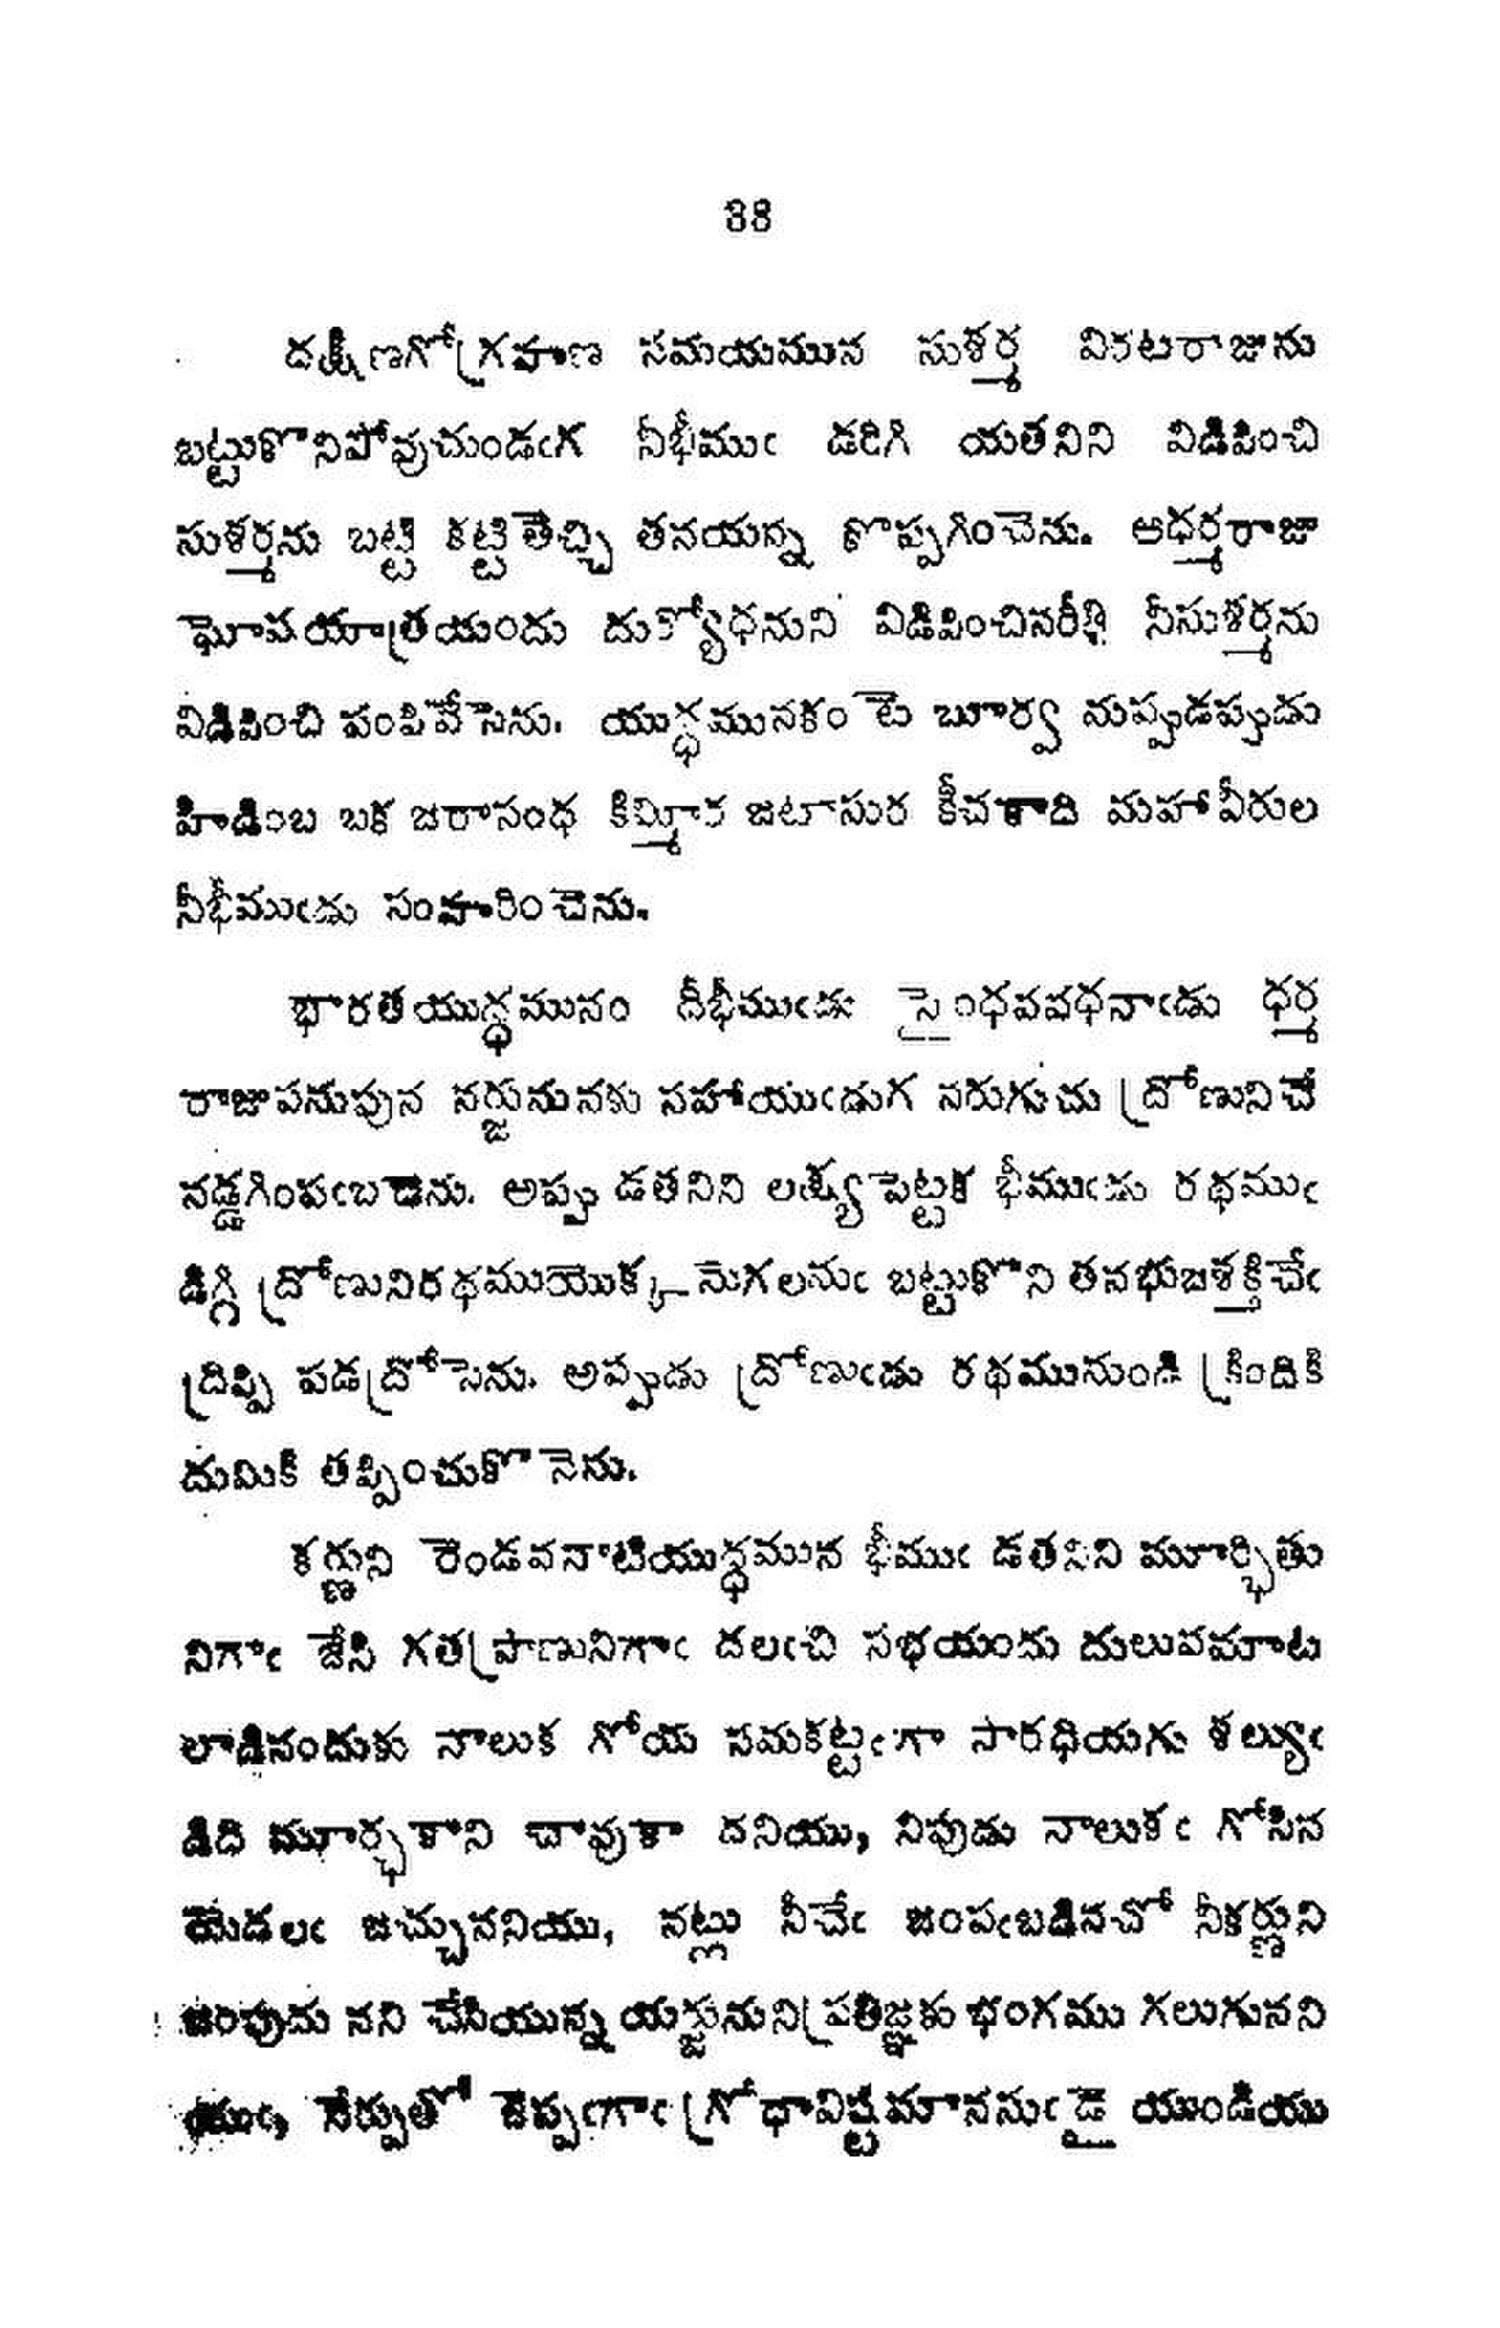దక్షిణగోగ్రహణ సమయమున సుశర్మ విరటరాజును బట్టుకొనిపోవుచుండఁగ నీభీముఁ డరిగి యతనిని విడిపించి సుశర్మను బట్టి కట్టితెచ్చి తనయన్న కొప్పగించెను. ఆధర్మరాజు ఘోషయాత్రయందు దుర్యోధనుని విడిపించినరీతి నీసుశర్మను విడిపించి పంపివేసెను. యుద్ధమునకం టె బూర్వ మప్పుడప్పుడు హిడింబ బక జరాసంధ కిమ్మీర జటాసుర కీచకాది మహావీరుల నీభీముఁడు సంహరించెను.

భారతయుద్ధమునం దీభీముఁడు సైంధవవధనాఁడు ధర్మరాజుపనుపున నర్జునునకు సహాయుఁడుగ నరుగుచు ద్రోణునిచే నడ్డగింపఁబడెను. అప్పు డతనిని లక్ష్యపెట్టక భీముఁడు రథముఁ డిగ్గి ద్రోణునిరథముయొక్క నొగలనుఁ బట్టుకొని తనభుజశక్తిచేఁ ద్రిప్పి పడద్రోసెను. అప్పుడు ద్రోణుఁడు రథమునుండి క్రిందికి దుమికి తప్పించుకొనెను.

కర్ణుని రెండవనాటియుద్ధమున భీముఁ డతనిని మూర్ఛితునిగాఁ జేసి గతప్రాణునిగాఁ దలఁచి సభయందు దులుపమాట లాడినందుకు నాలుక గోయ సమకట్టఁగా సారధియగు శల్యుఁ డిది మూర్ఛకాని చావుకా దనియు, నివుడు నాలుకఁ గోసిన యెడలఁ జచ్చుననియు, నట్లు నీచేఁ జంపఁబడినచో నీకర్ణుని జంపుదు నని చేసియున్న యర్జునుని ప్రతిజ్ఞకు భంగము గలుగుననియుఁ నేర్పుతో జెప్పఁగాఁ గ్రోధావిష్టమానసుఁడై యుండియు